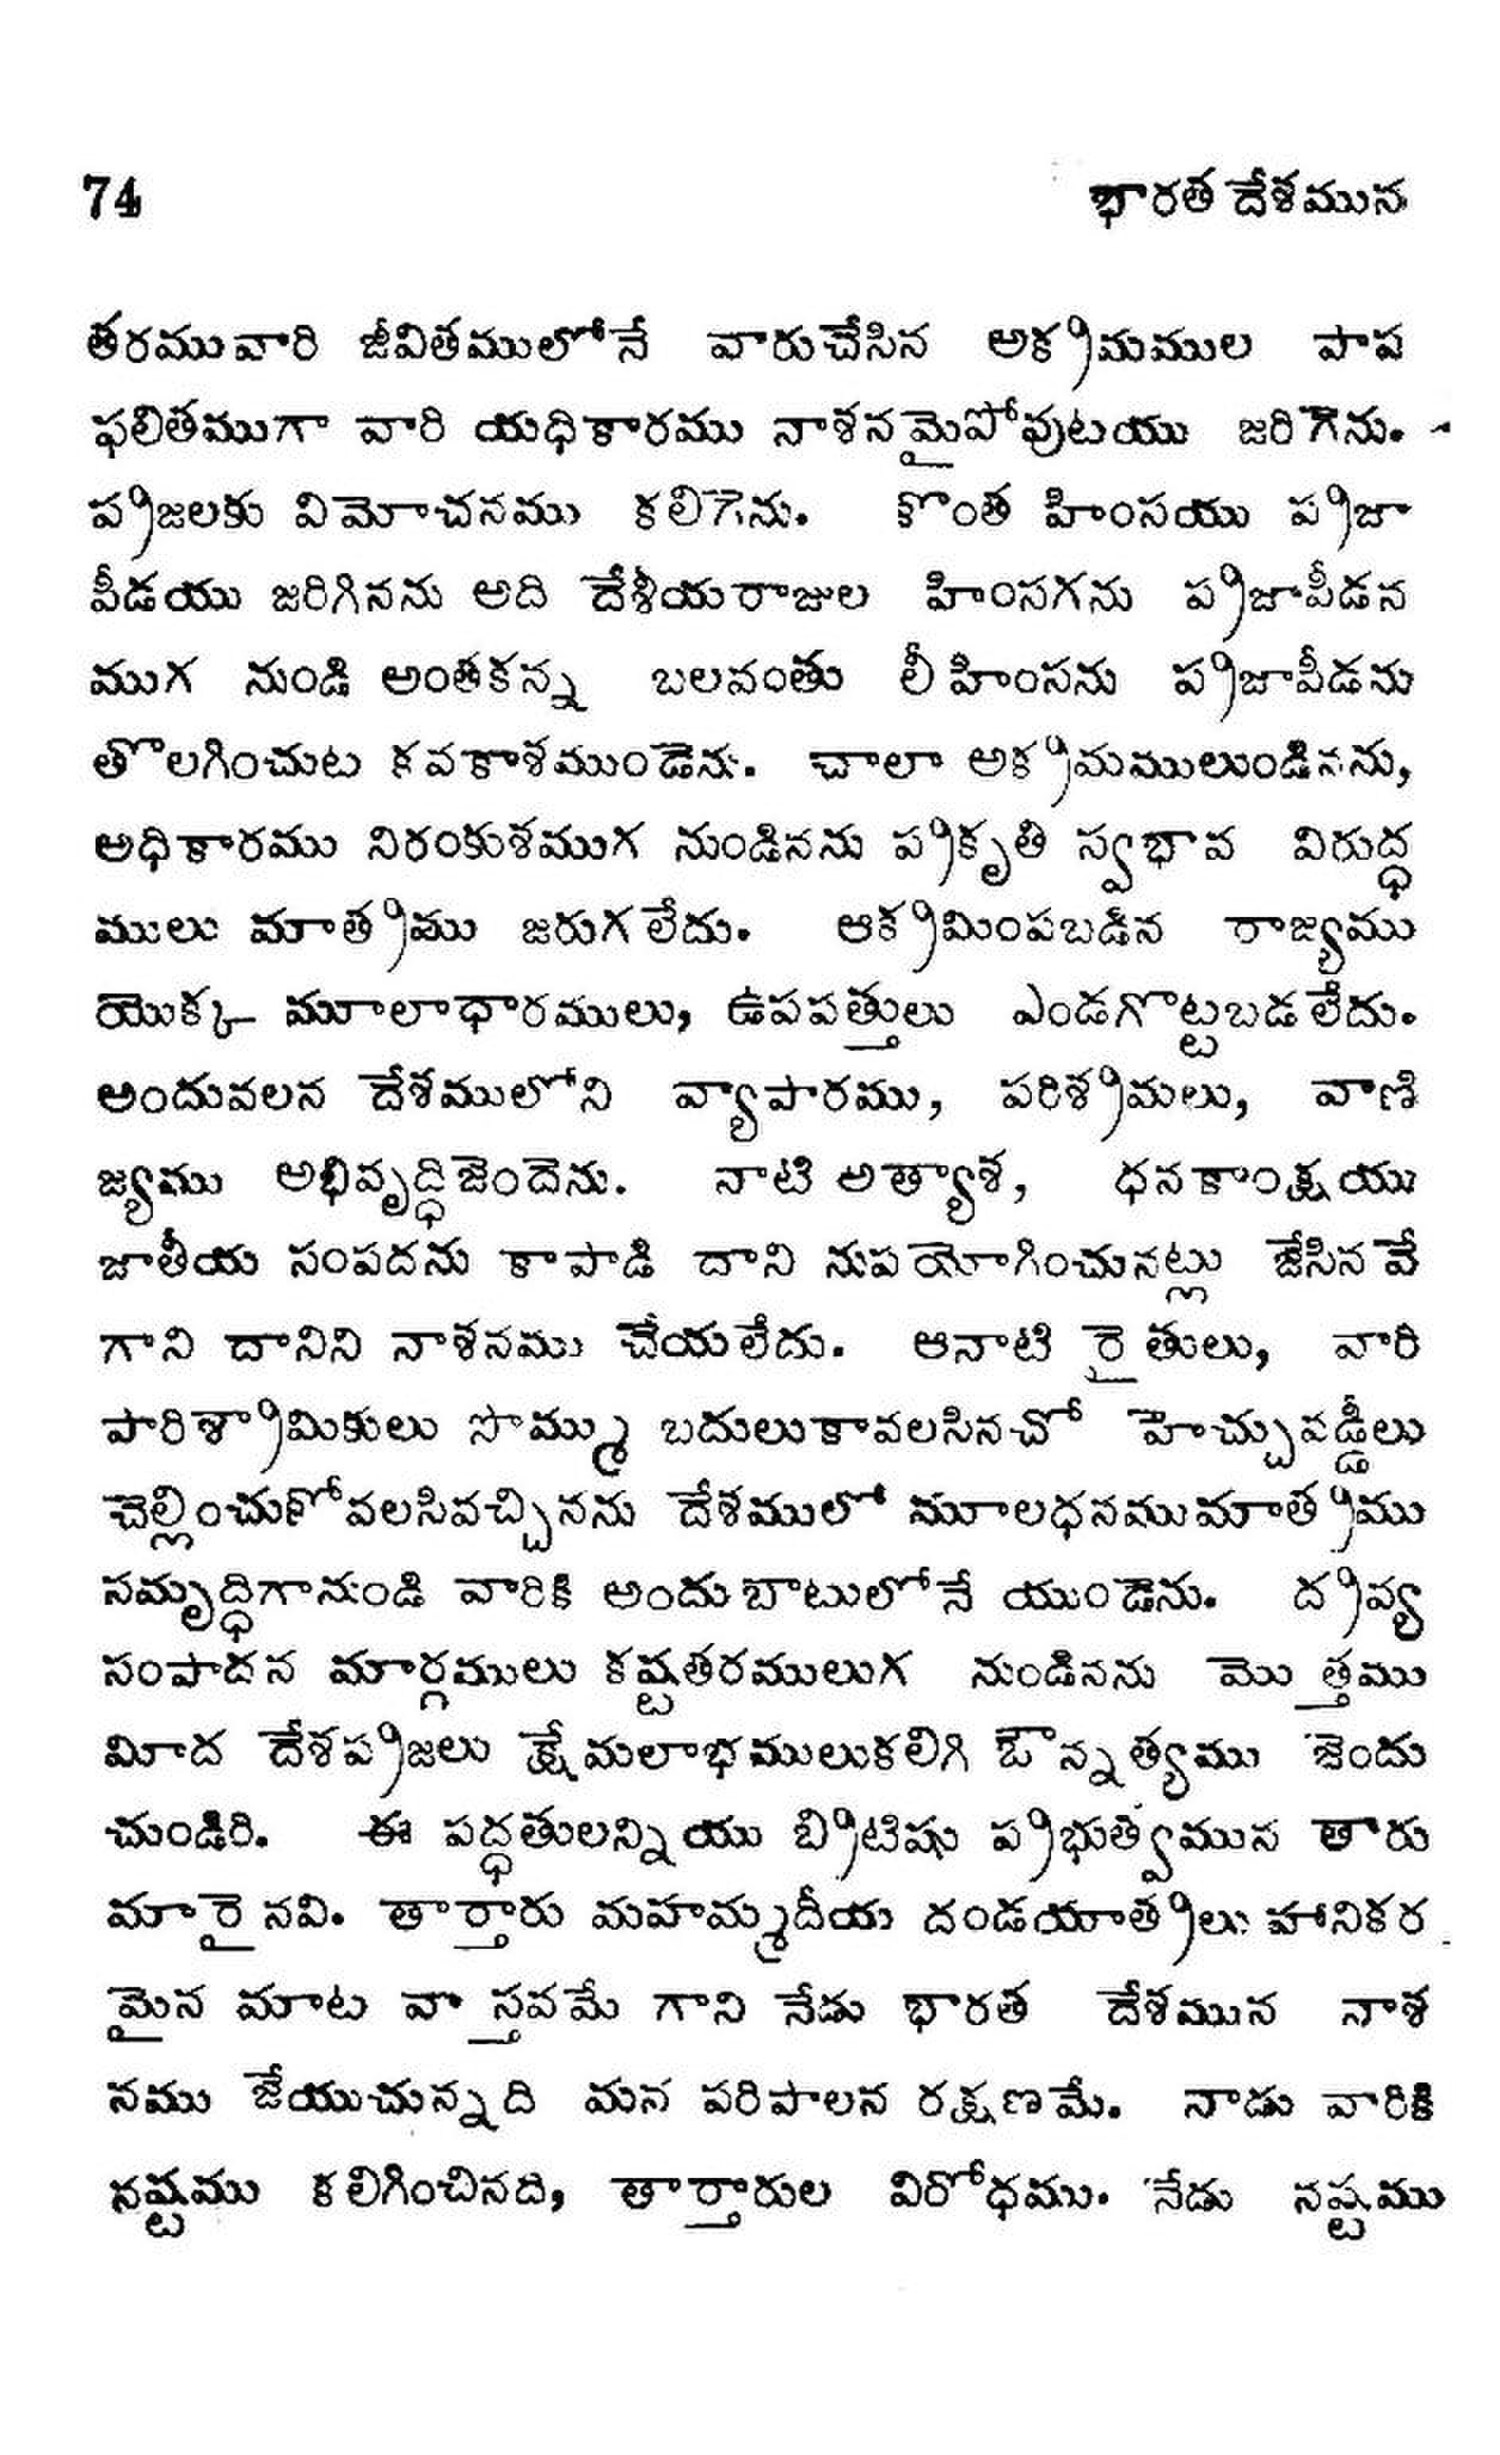తరమువారి జీవితములోనే వారుచేసిన అక్రమముల పాప ఫలితముగా వారి యధికారము నాశనమైపోవుటయు జరిగెను. ప్రజలకు విమోచనము కలిగెను. కొంత హింసయు ప్రజాపీడయు జరిగినను అది దేశీయరాజుల హింసగను ప్రజాపీడనముగ నుండి అంతకన్న బలవంతు లీహింసను ప్రజాపీడను తొలగించుట కవకాశముండెను. చాలా అక్రమములుండినను, అధికారము నిరంకుశముగ నుండినను ప్రకృతి స్వభావ విరుద్ధములు మాత్రము జరుగలేదు. ఆక్రమింపబడిన రాజ్యముయొక్క మూలాధారములు, ఉపపత్తులు ఎండగొట్టబడలేదు. అందువలన దేశములోని వ్యాపారము, పరిశ్రమలు, వాణిజ్యము అభివృద్ధిజెందెను. నాటిఅత్యాశ, ధనకాంక్షయు జాతీయ సంపదను కాపాడి దాని నుపయోగించునట్లు జేసినవే గాని దానిని నాశనము చేయలేదు. ఆనాటి రైతులు, వారి పారిశ్రామికులు సొమ్ము బదులుకావలసినచో హెచ్చువడ్డీలు చెల్లించుకోవలసివచ్చినను దేశములో మూలధనముమాత్రము సమృద్ధిగా నుండి వారికి అందుబాటులోనే యుండెను. ద్రవ్య సంపాదన మార్గములు కష్టతరములుగ నుండినను మొత్తముమీద దేశప్రజలు క్షేమలాభములుకలిగి ఔన్నత్యము జెందుచుండిరి. ఈ పద్దతులన్నియు బ్రిటిషు ప్రభుత్వమున తారుమారైనవి. తార్తారు మహమ్మదీయ దండయాత్రలు హానికరమైన మాట వాస్తవమే గాని నేడు భారత దేశమున నాశనము జేయుచున్నది మన పరిపాలన రక్షణమే. నాడు వారికి నష్టము కలిగించినది, తార్తారుల విరోధము. నేడు నష్టము